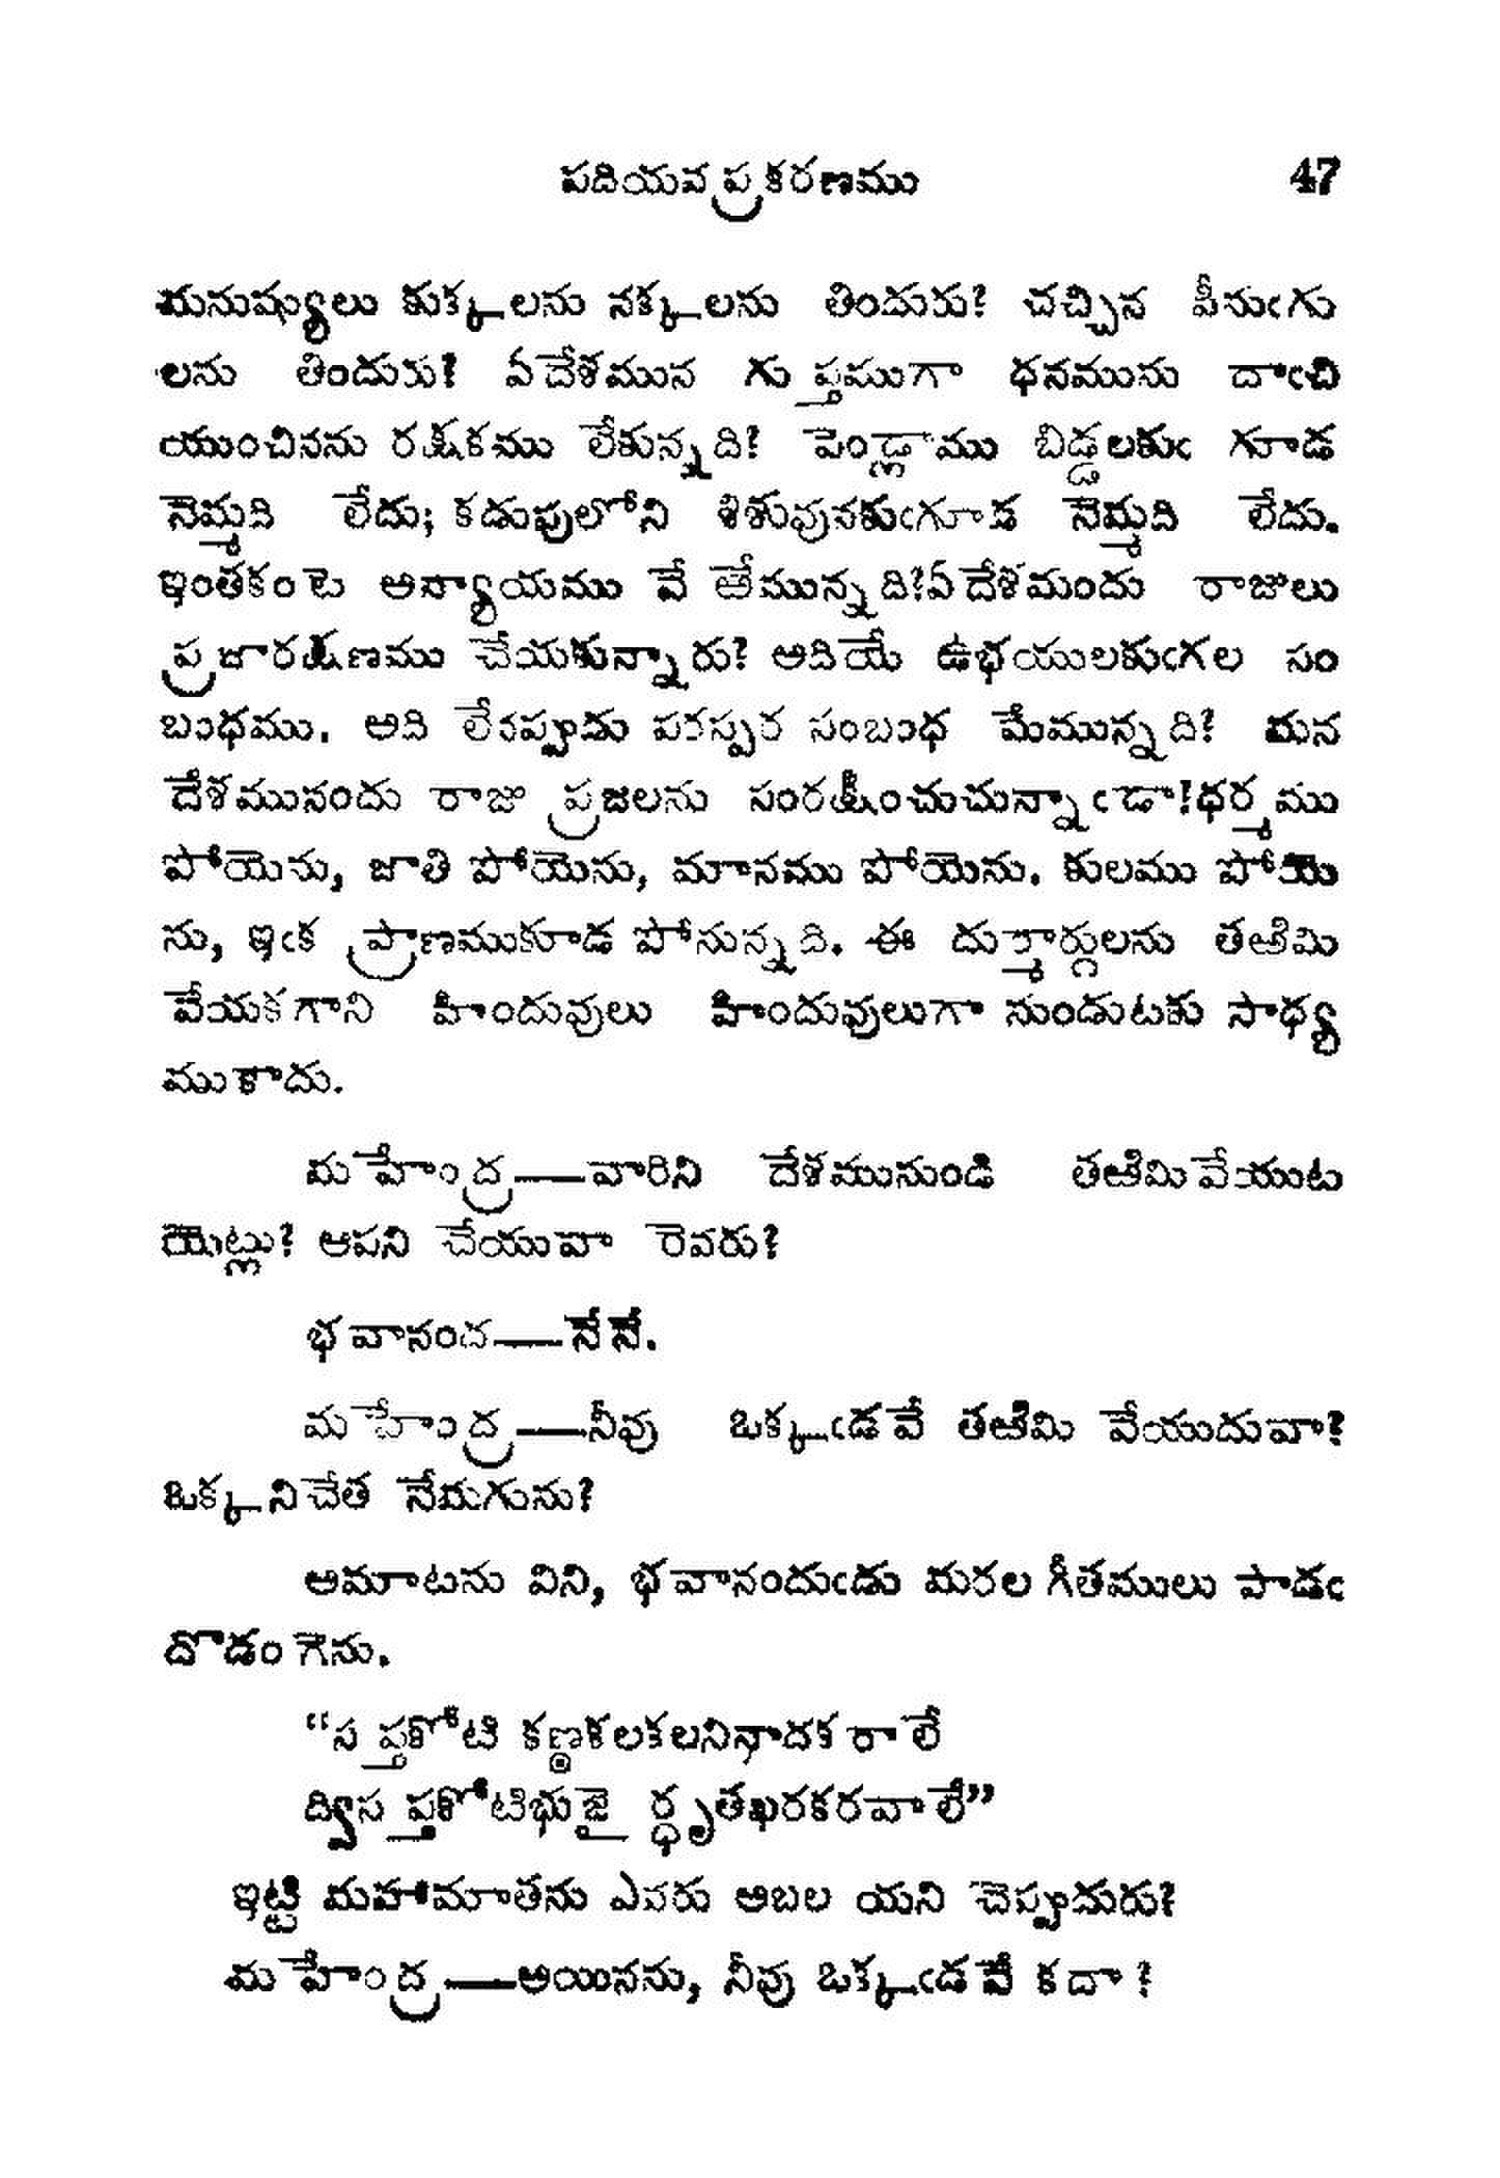మనుష్యులు కుక్కలను నక్కలను తిందురు! చచ్చిన పీనుఁగులను తిందురు! ఏదేశమున గుప్తముగా ధనమును దాఁచి యుంచినను రక్షకము లేకున్నది! పెండ్లాము బిడ్డలకుఁ గూడ నెమ్మది లేదు; కడుపులోని శిశువునకుఁగూడ నెమ్మది లేదు. ఇంతకంటె అన్యాయము వేఱేమున్నది? ఏ దేశమందు రాజులు ప్రజారక్షణము చేయకున్నారు? అదియే ఉభయులకుఁగల సంబంధము. అది లేనప్పుడు పరస్పర సంబంధ మేమున్నది? మనదేశమునందు రాజు ప్రజలను సంరక్షించుచున్నాఁడా! ధర్మము పోయెను, జాతి పోయెను, మానము పోయెను. కులము పోయెను, ఇఁక ప్రాణముకూడ పోనున్నది. ఈ దుర్మార్గులను తఱిమి వేయక గాని హిందువులు హిందువులుగా నుండుటకు సాధ్యముకాదు.

మహేంద్ర—— వారిని దేశమునుండి తఱిమివేయుట యెట్లు? ఆపని చేయువా రెవరు?

భవానంద —— నేనే.

మహేంద్ర ——నీవు ఒక్కఁడవే తఱిమి వేయుదువా? ఒక్కనిచేత నేమగును?

ఆమాటను విని, భవానందుఁడు మరల గీతములు పాడఁ దొడంగెను.

“సప్తకోటి కణ్ఠకలకలనినాదక రాలే
ద్విసప్తకోటిభుజై ర్ధతఖరకరవాలే”

ఇట్టి మహామాతను ఎవరు అబల యని చెప్పుదురు?

మహేంద్ర——అయినను, నీవు ఒక్కఁడవే కదా ?